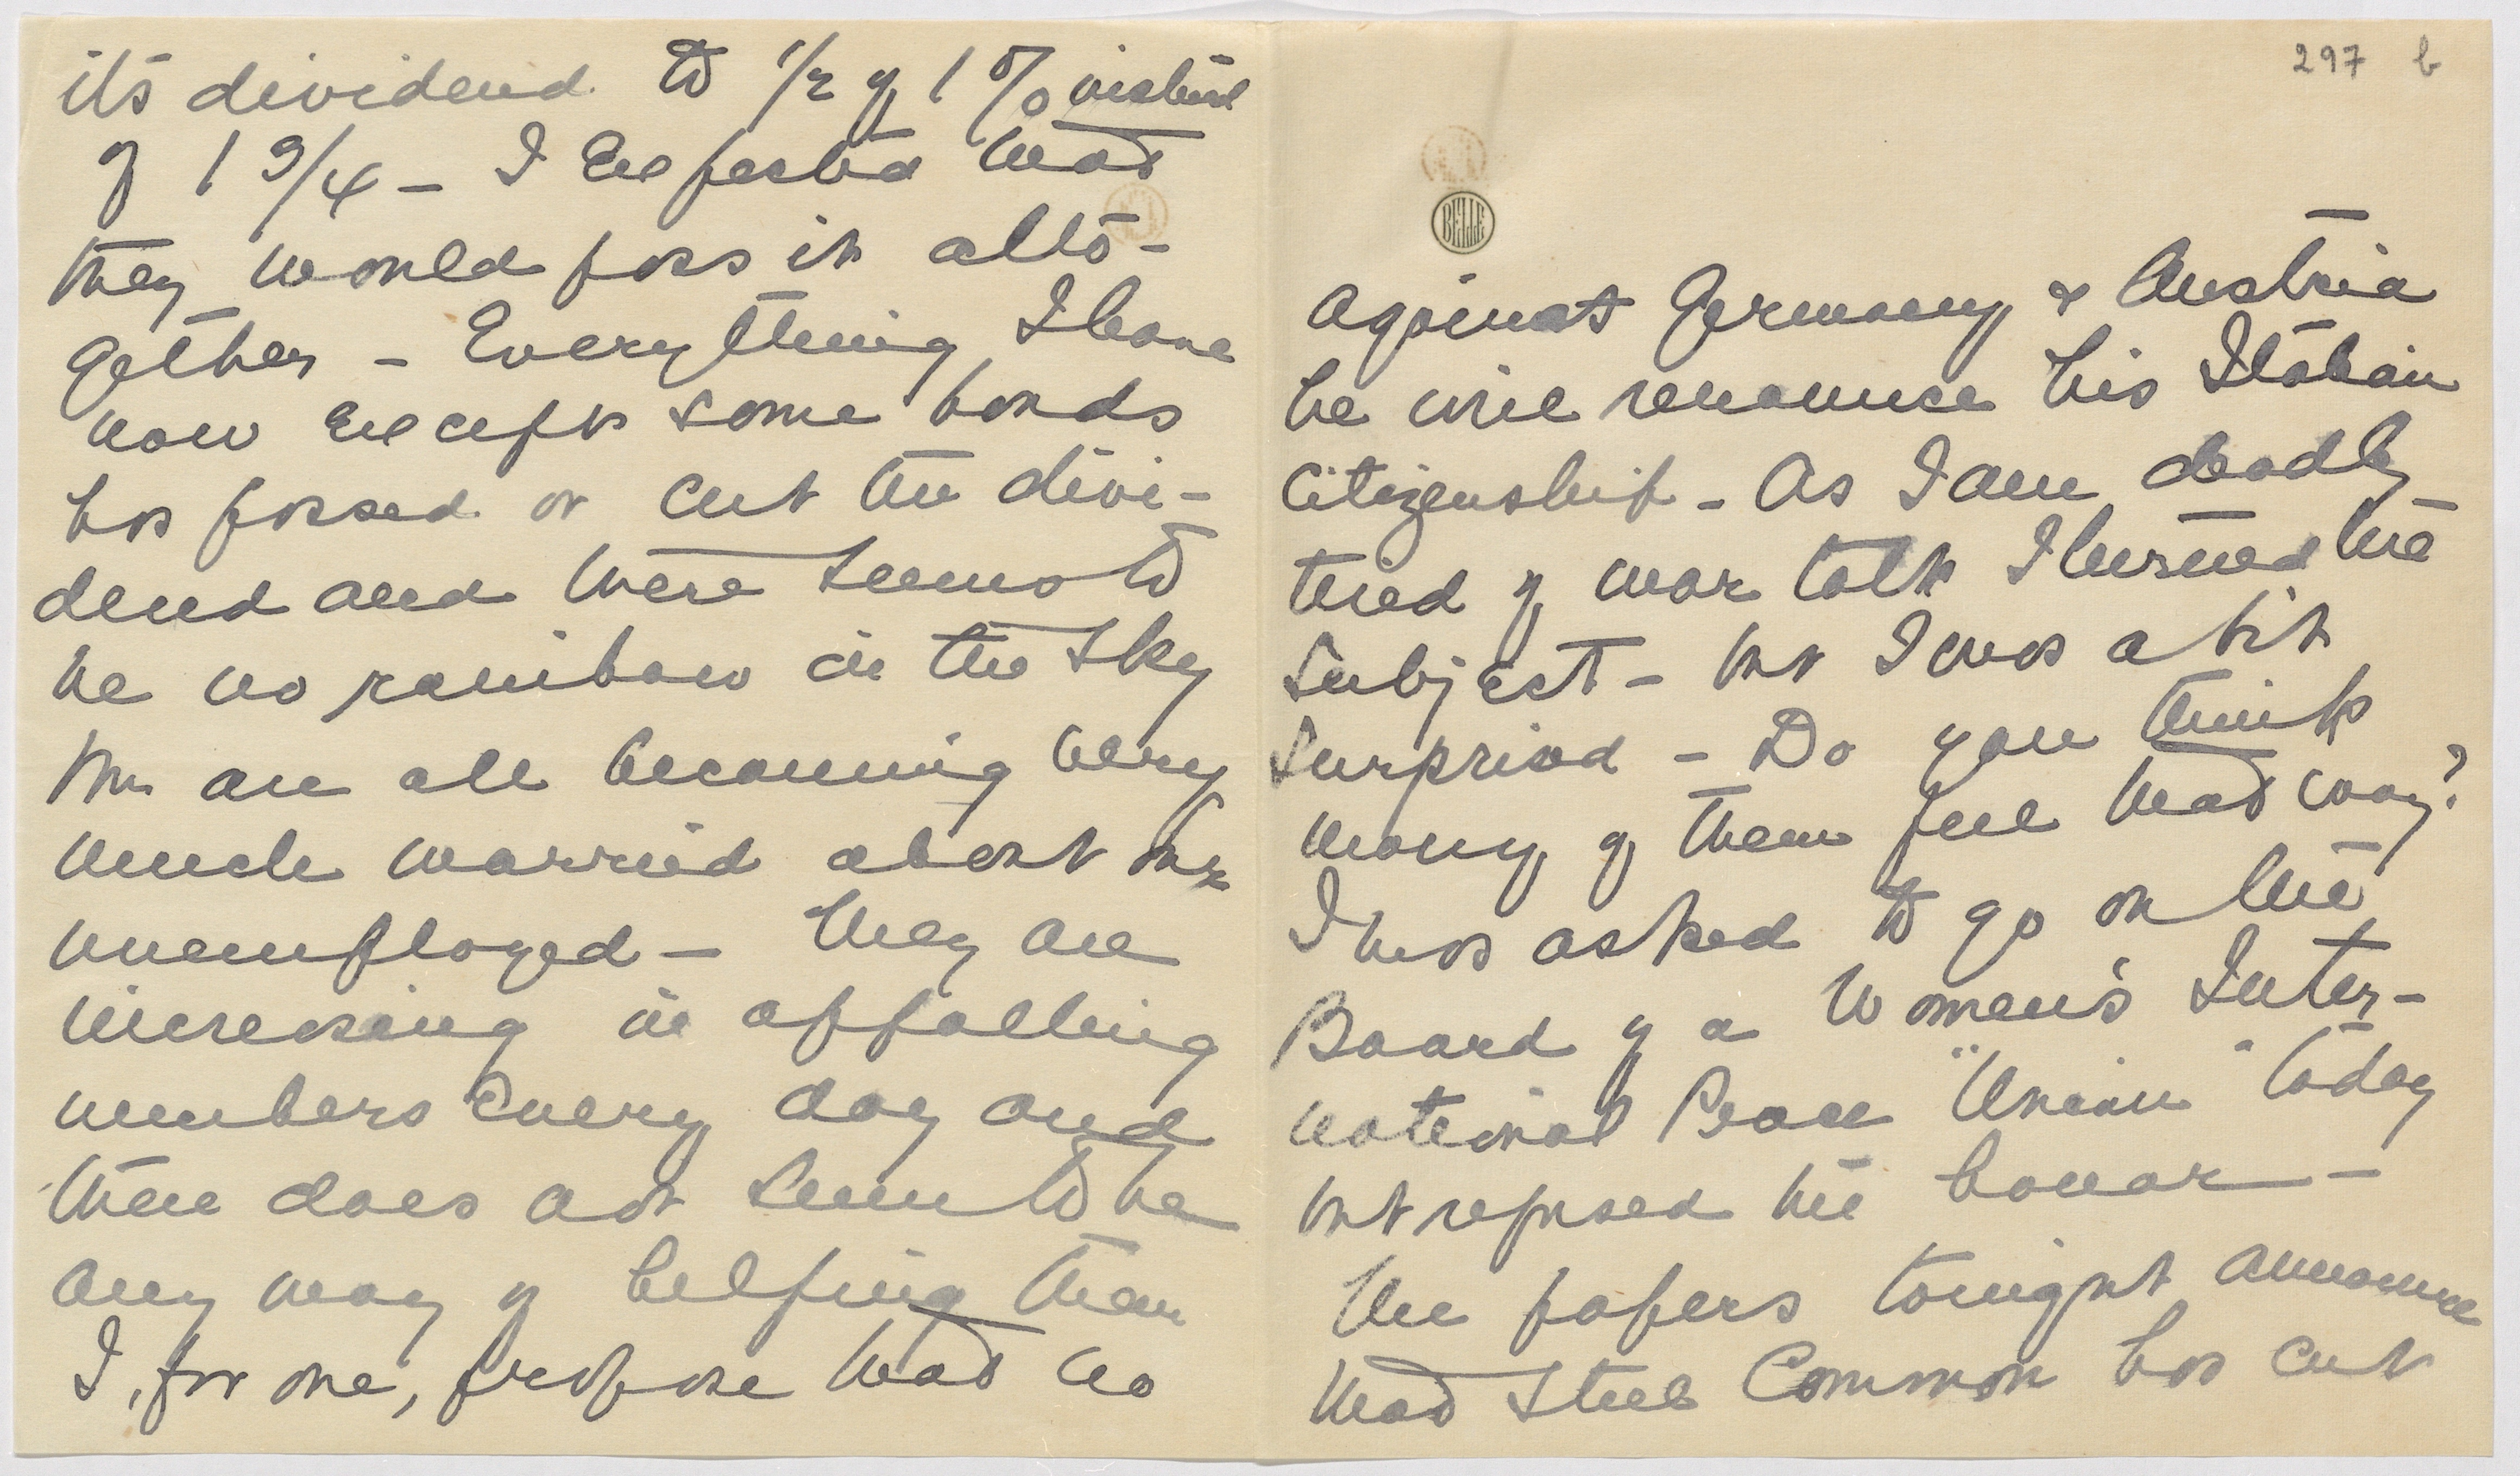against Germany & Austria he will renounce his Italian citizenship – As I am deadly tired of war talk I turned the subject – but I was a bit surprised – Do you think many of them feel that way? I was asked to go on the Board of a Women’s International Peace “Union” today but refused the honor –
The papers tonight announce that Steel Common has cut
its dividend to ½ of 1% instead of 1 ¾ – I expected that they would pass it altogether – Everything I have now except some bonds has passed or cut the dividend and there seems to be no rainbow in the sky we are all becoming very much worried about the unemployed – they are increasing in appalling numbers every day and there does not seem to be any way of helping them[.] I, for one, propose that no